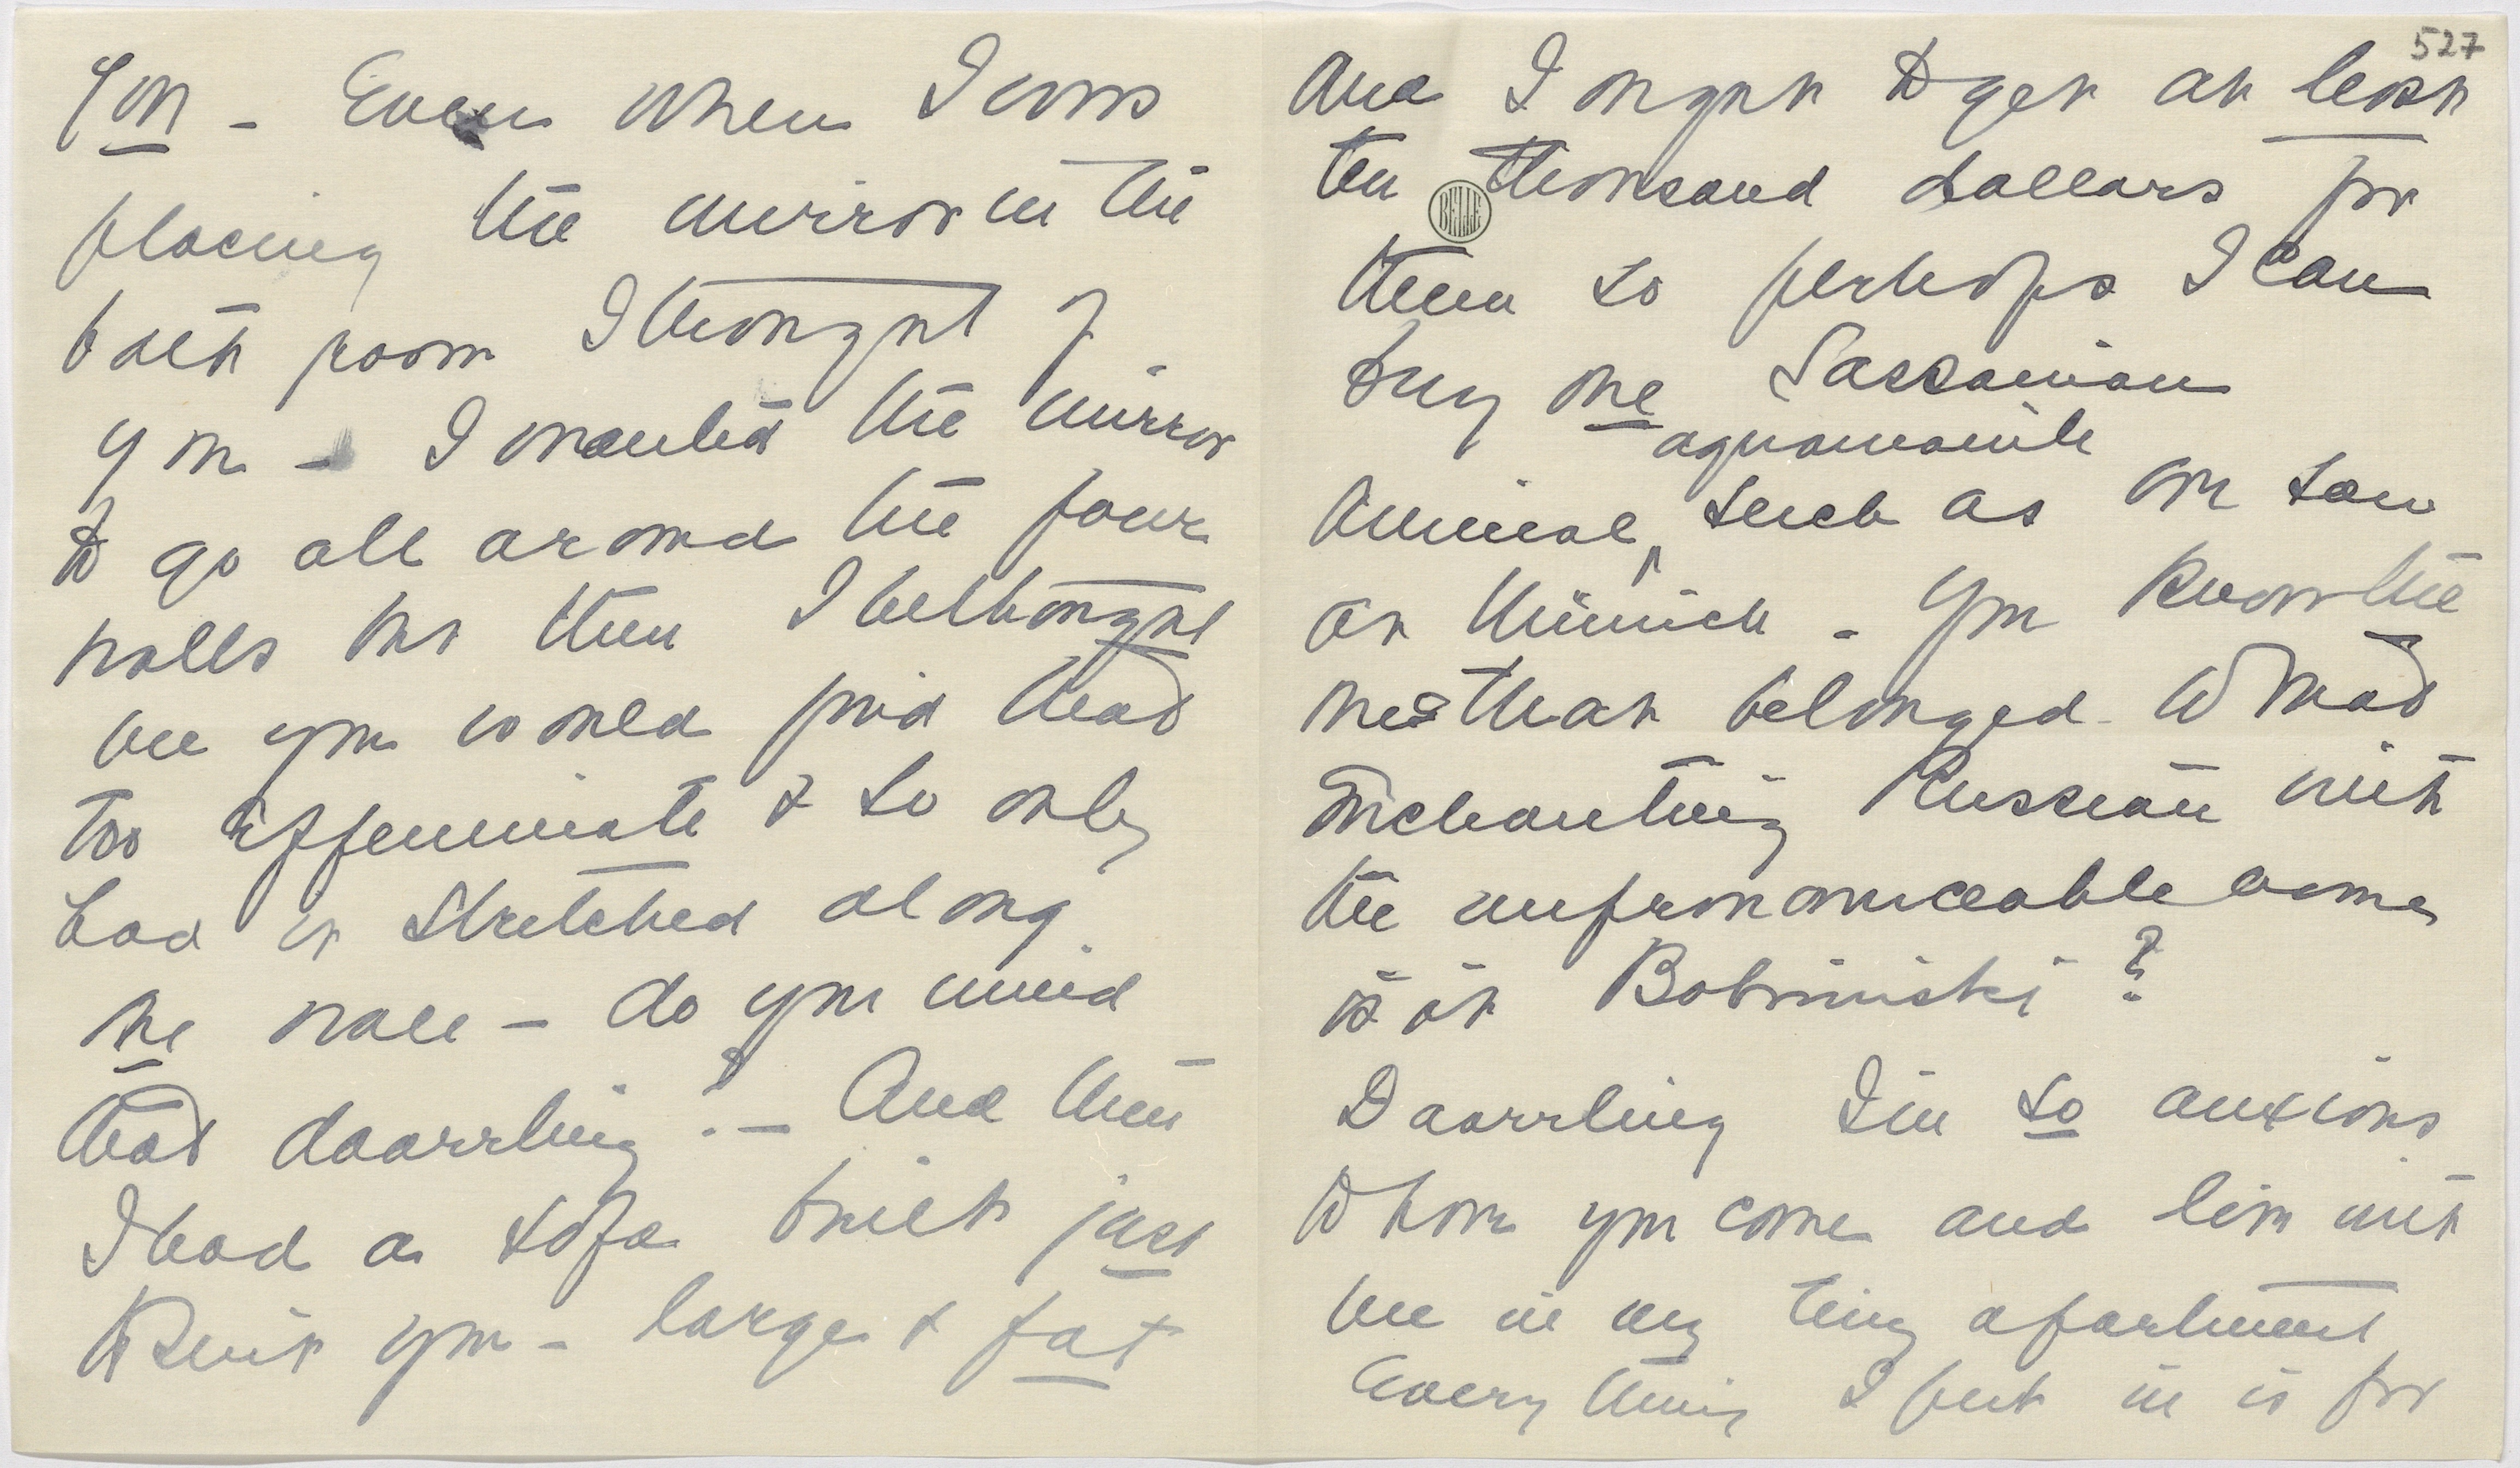And I ought to get at least ten thousand dollars for them so perhaps I can buy one Sassanian [sic] animal [^aquamanile^] such as we saw at Munich – You know the one that belonged to that enchanting Russian with the unpronounceable name is it Bobriniski [sic]?
Daarrling I’m so anxious to have you come and live with me in my tiny apartment every thing I put in is for
you – Even when I was placing the mirror in the bath room I thought of you – I wanted the mirror to go all around the four walls but then I bethought me you would find that too effeminate & so only had it stretched along one wall – do you mind that daarrling? – And then I had a sofa built just to suit you – large and fat